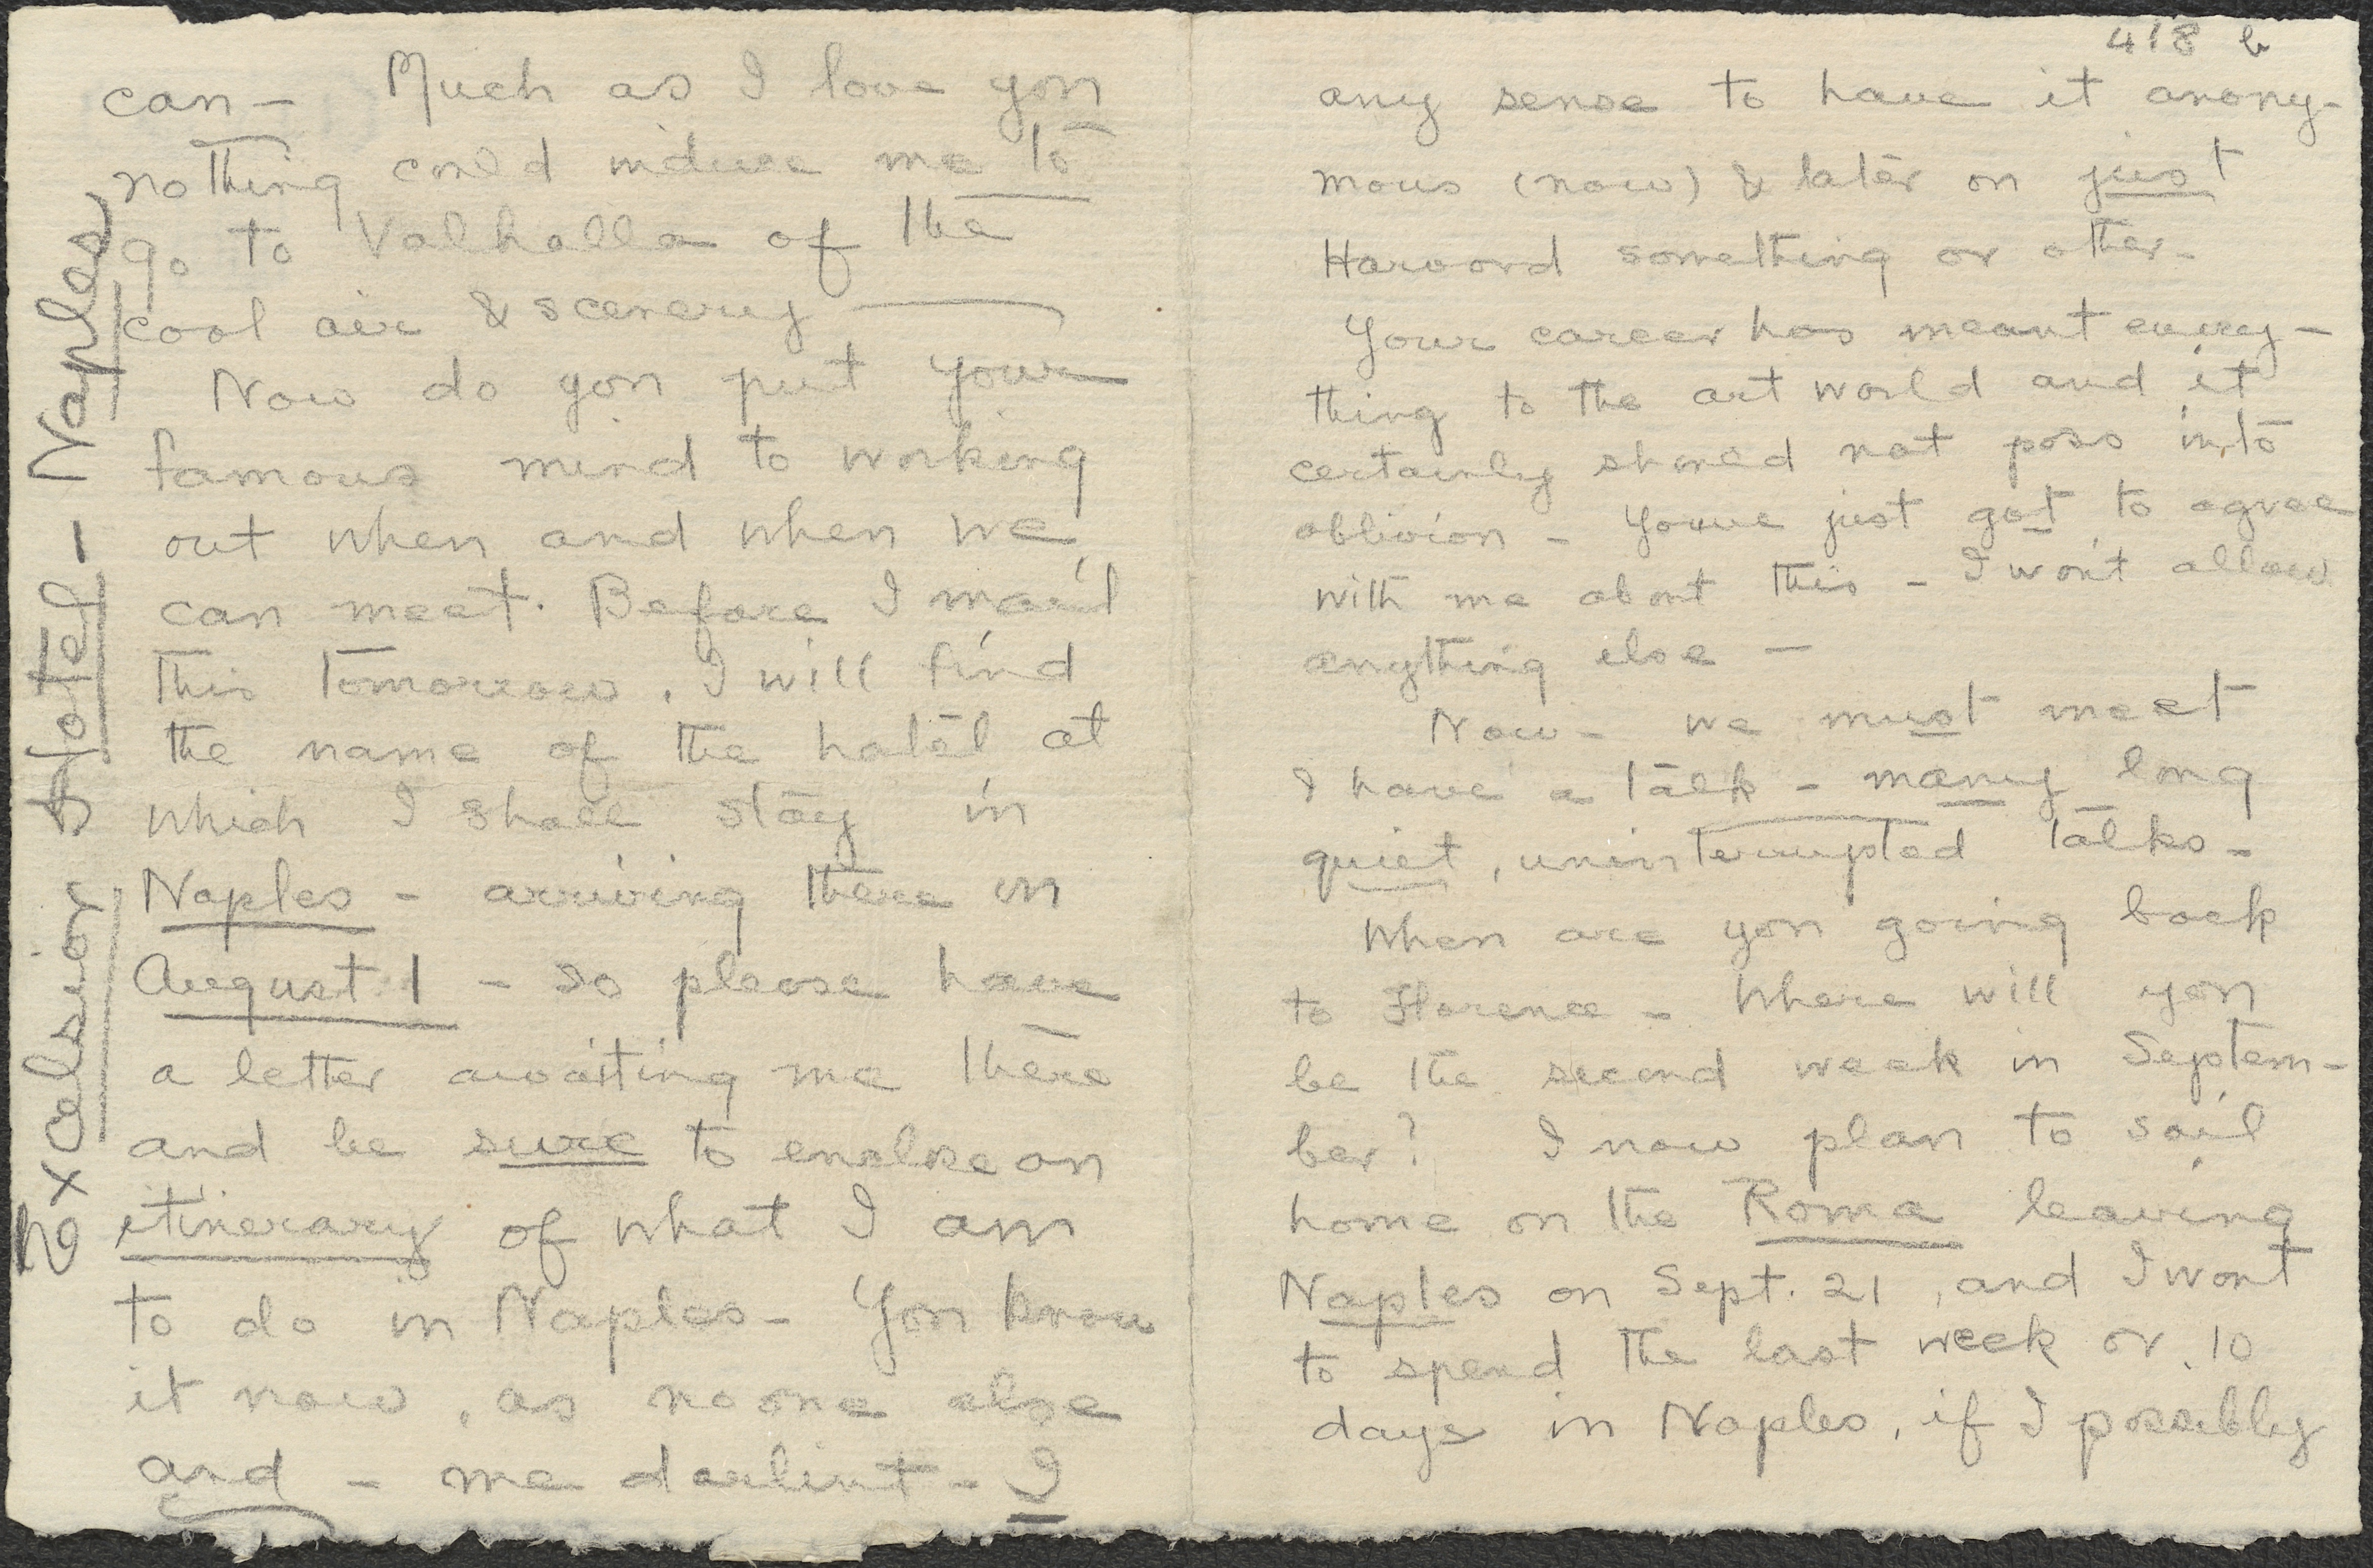any sense to have it anonymous (now) & later on just Harvard something or other –
Your career has meant everything to the art world and it certainly should not just pass into oblivion – You’ve just got to agree with me about this – I won’t allow anything else –
Now – we must meet & have a talk – many long quiet, uninterrupted talks –
When are you going back to Florence – where will you be the second week in September? I now plan to sail home on the Roma leaving Naples on Sept. 21, and I want to spend the last week or 10 days in Naples, if I possibly
[Written up the left-hand margin: Excelsior Hotel-Naples]
can – Much as I love you nothing could induce me to go to Valhalla of the cool air & scenery –
Now do you put your famous mind to working out when and when [sic] we can meet. Before I mail this tomorrow, I will find the name of the hotel at which I shall stay in Naples – arriving there on August 1 – so please have a letter awaiting me there and be sure to enclose an itinerary of what I am to do in Naples – You know it now, as no one else and – me darlint – I